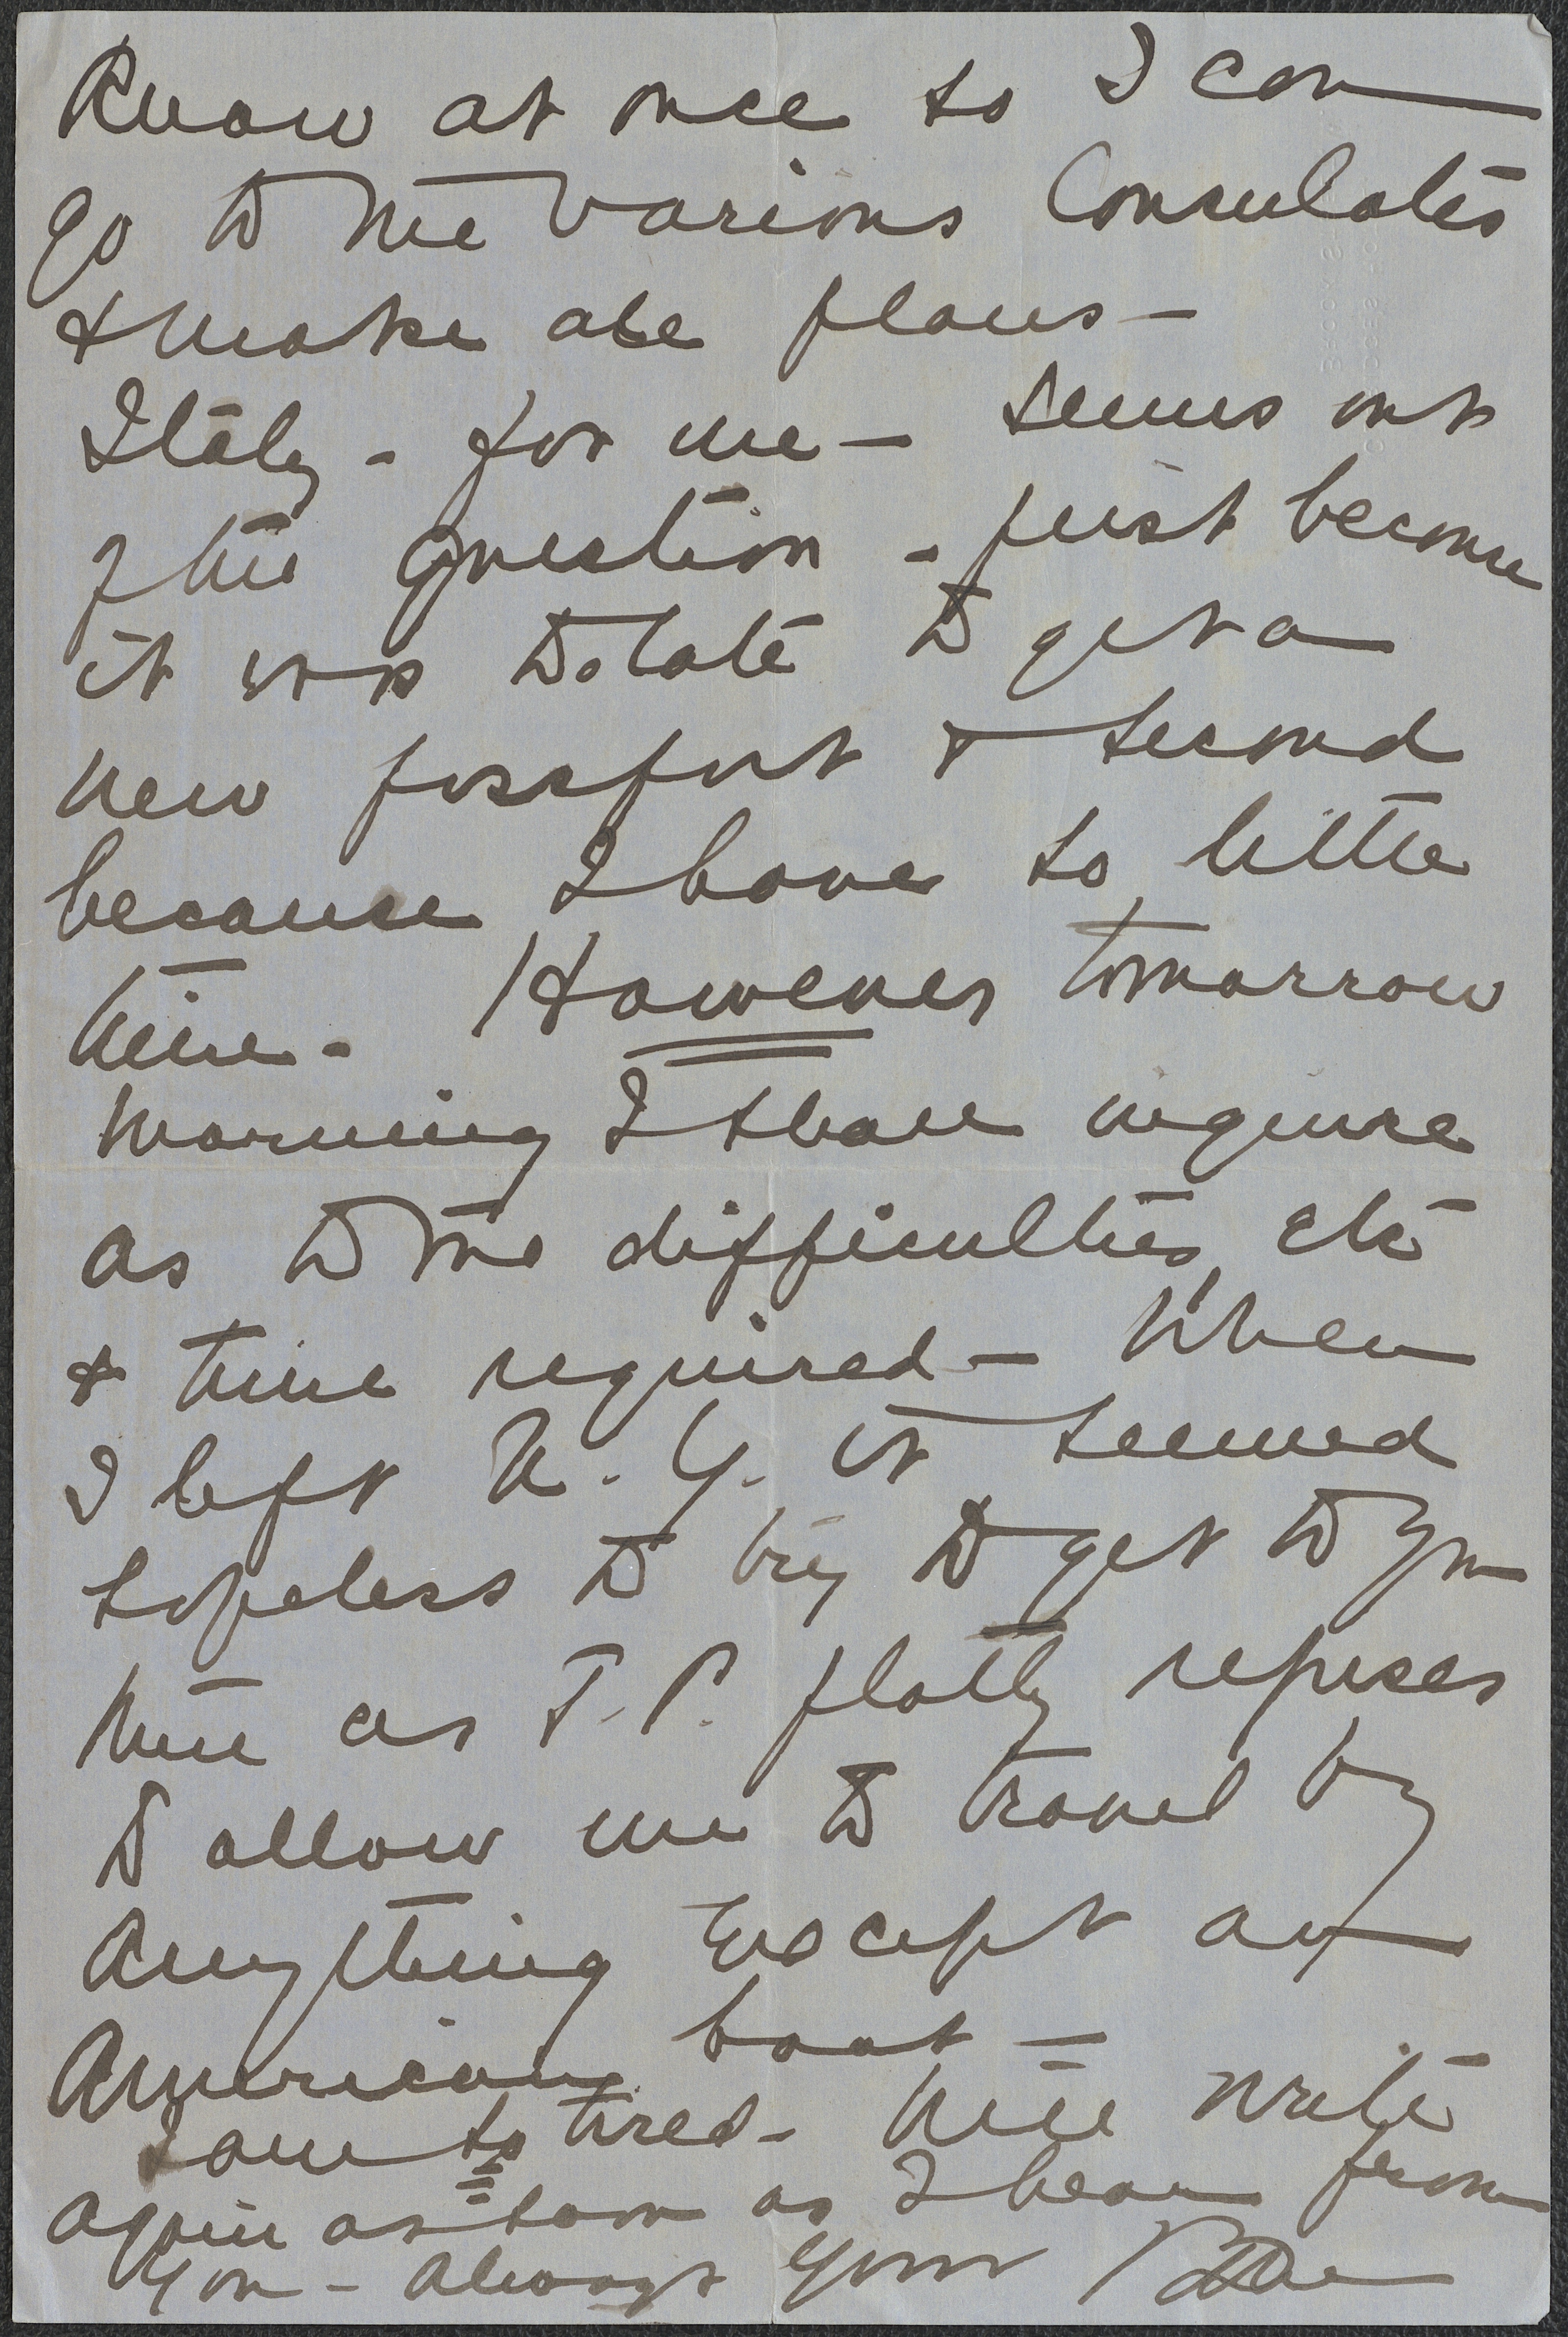know at once so I can go to the various consulates & make all plans –
Italy – for me – seems out of the question – first because it was to [sic] late to get a new passport & second because I have so little time – [double underlined: However] tomorrow morning I shall inquire as to the difficulties etc & time required – When I left N. Y. it seemed hopeless to try to get to you there as J. P. flatly refuses to allow me to travel by anything except an American boat –
I am [triple underlined: so] tired – will write again as soon as I hear from you – Always Your Belle